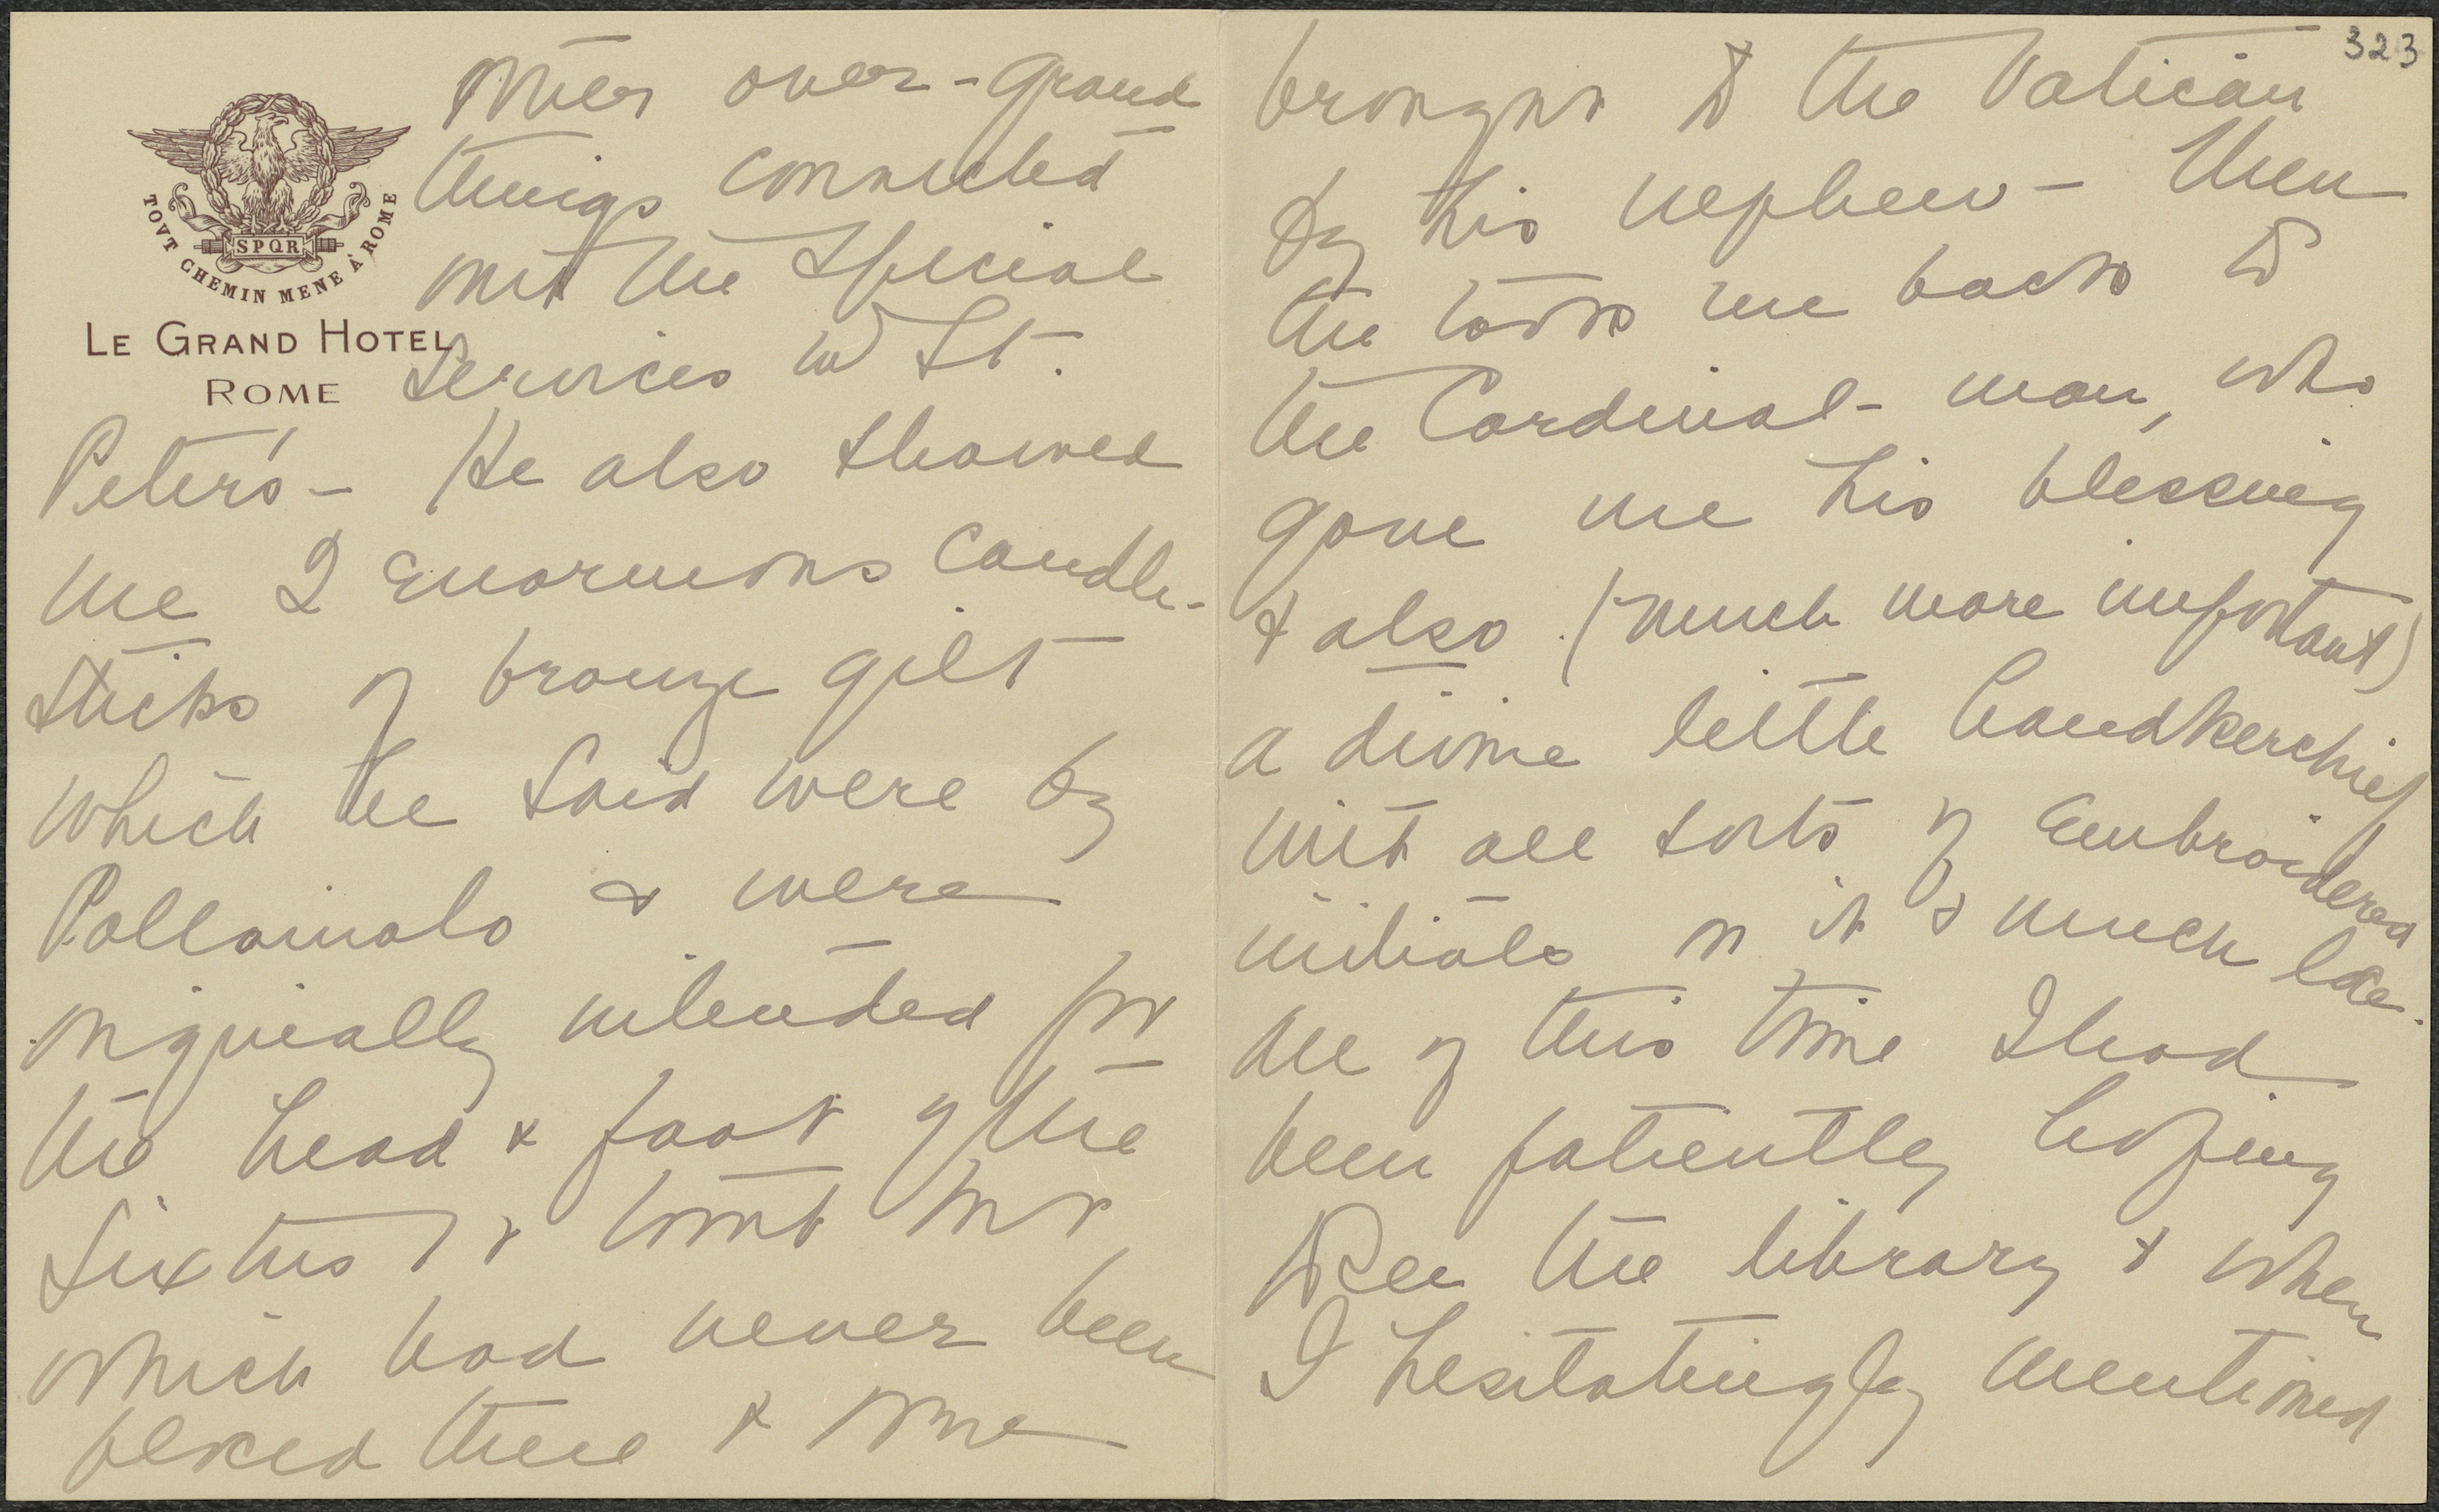other over-grand things connected with the special services in St. Peter’s – He also showed me 2 enormous candlesticks of bronze gilt which he said were by Pollaiuolo & were originally intended for the head & foot of the Sixtus IV tomb but which had never been placed there & were
brought to the Vatican by his nephew – Then he took me back to the Cardinal-man, who gave me his blessing & also (much more important) a divine little handkerchief with all sorts of embroidered initials on it & much lace. All of this time I had been patiently hoping to see the library & when I hesitatingly mentioned